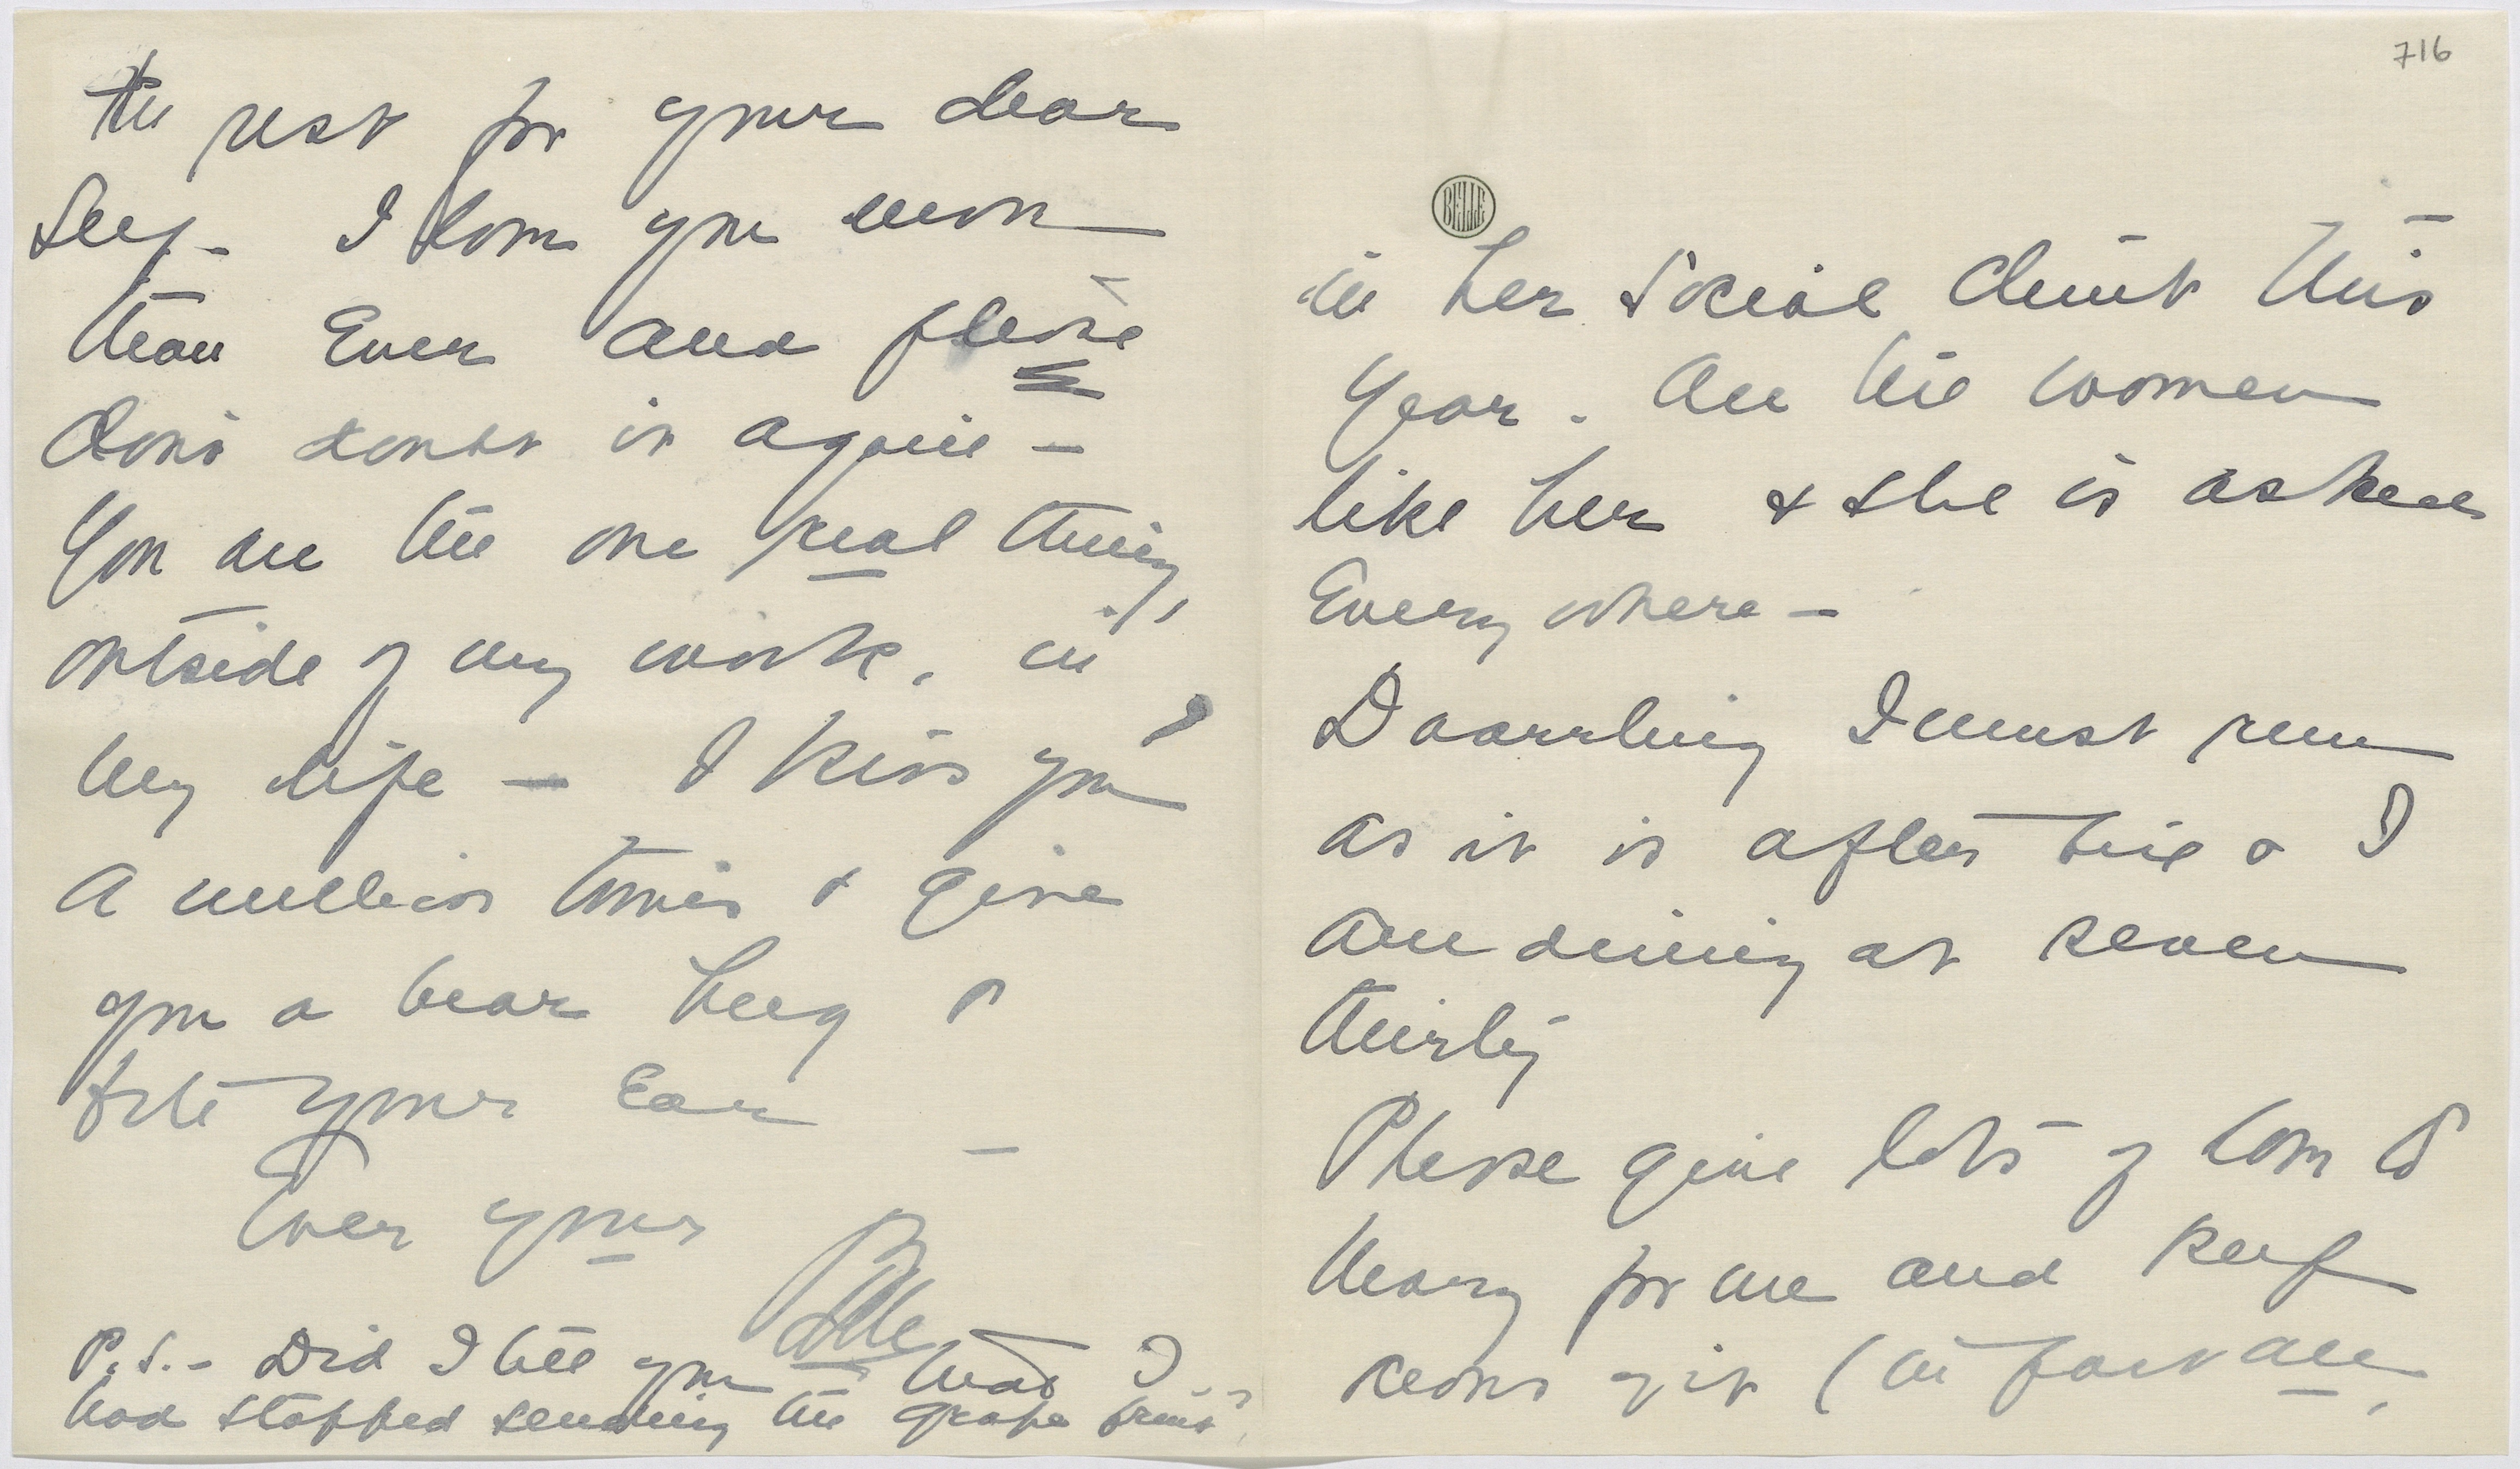in her social climb this year. All the women like her & she is asked every where –
Daarrling I must run as it is after six & I am dining at seven thirty
Please give lots of love to Mary for me and keep aeons of it (in fact all)
the rest for your dear self. I love you more than ever and [double underlined: please] don’t doubt it again –
You are the one real thing, outside of my work, in my life – I kiss you a million times & give you a bear hug & pull your ear –
Ever your
Belle
P. S. Did I tell you that I had stopped sending the grape fruit?